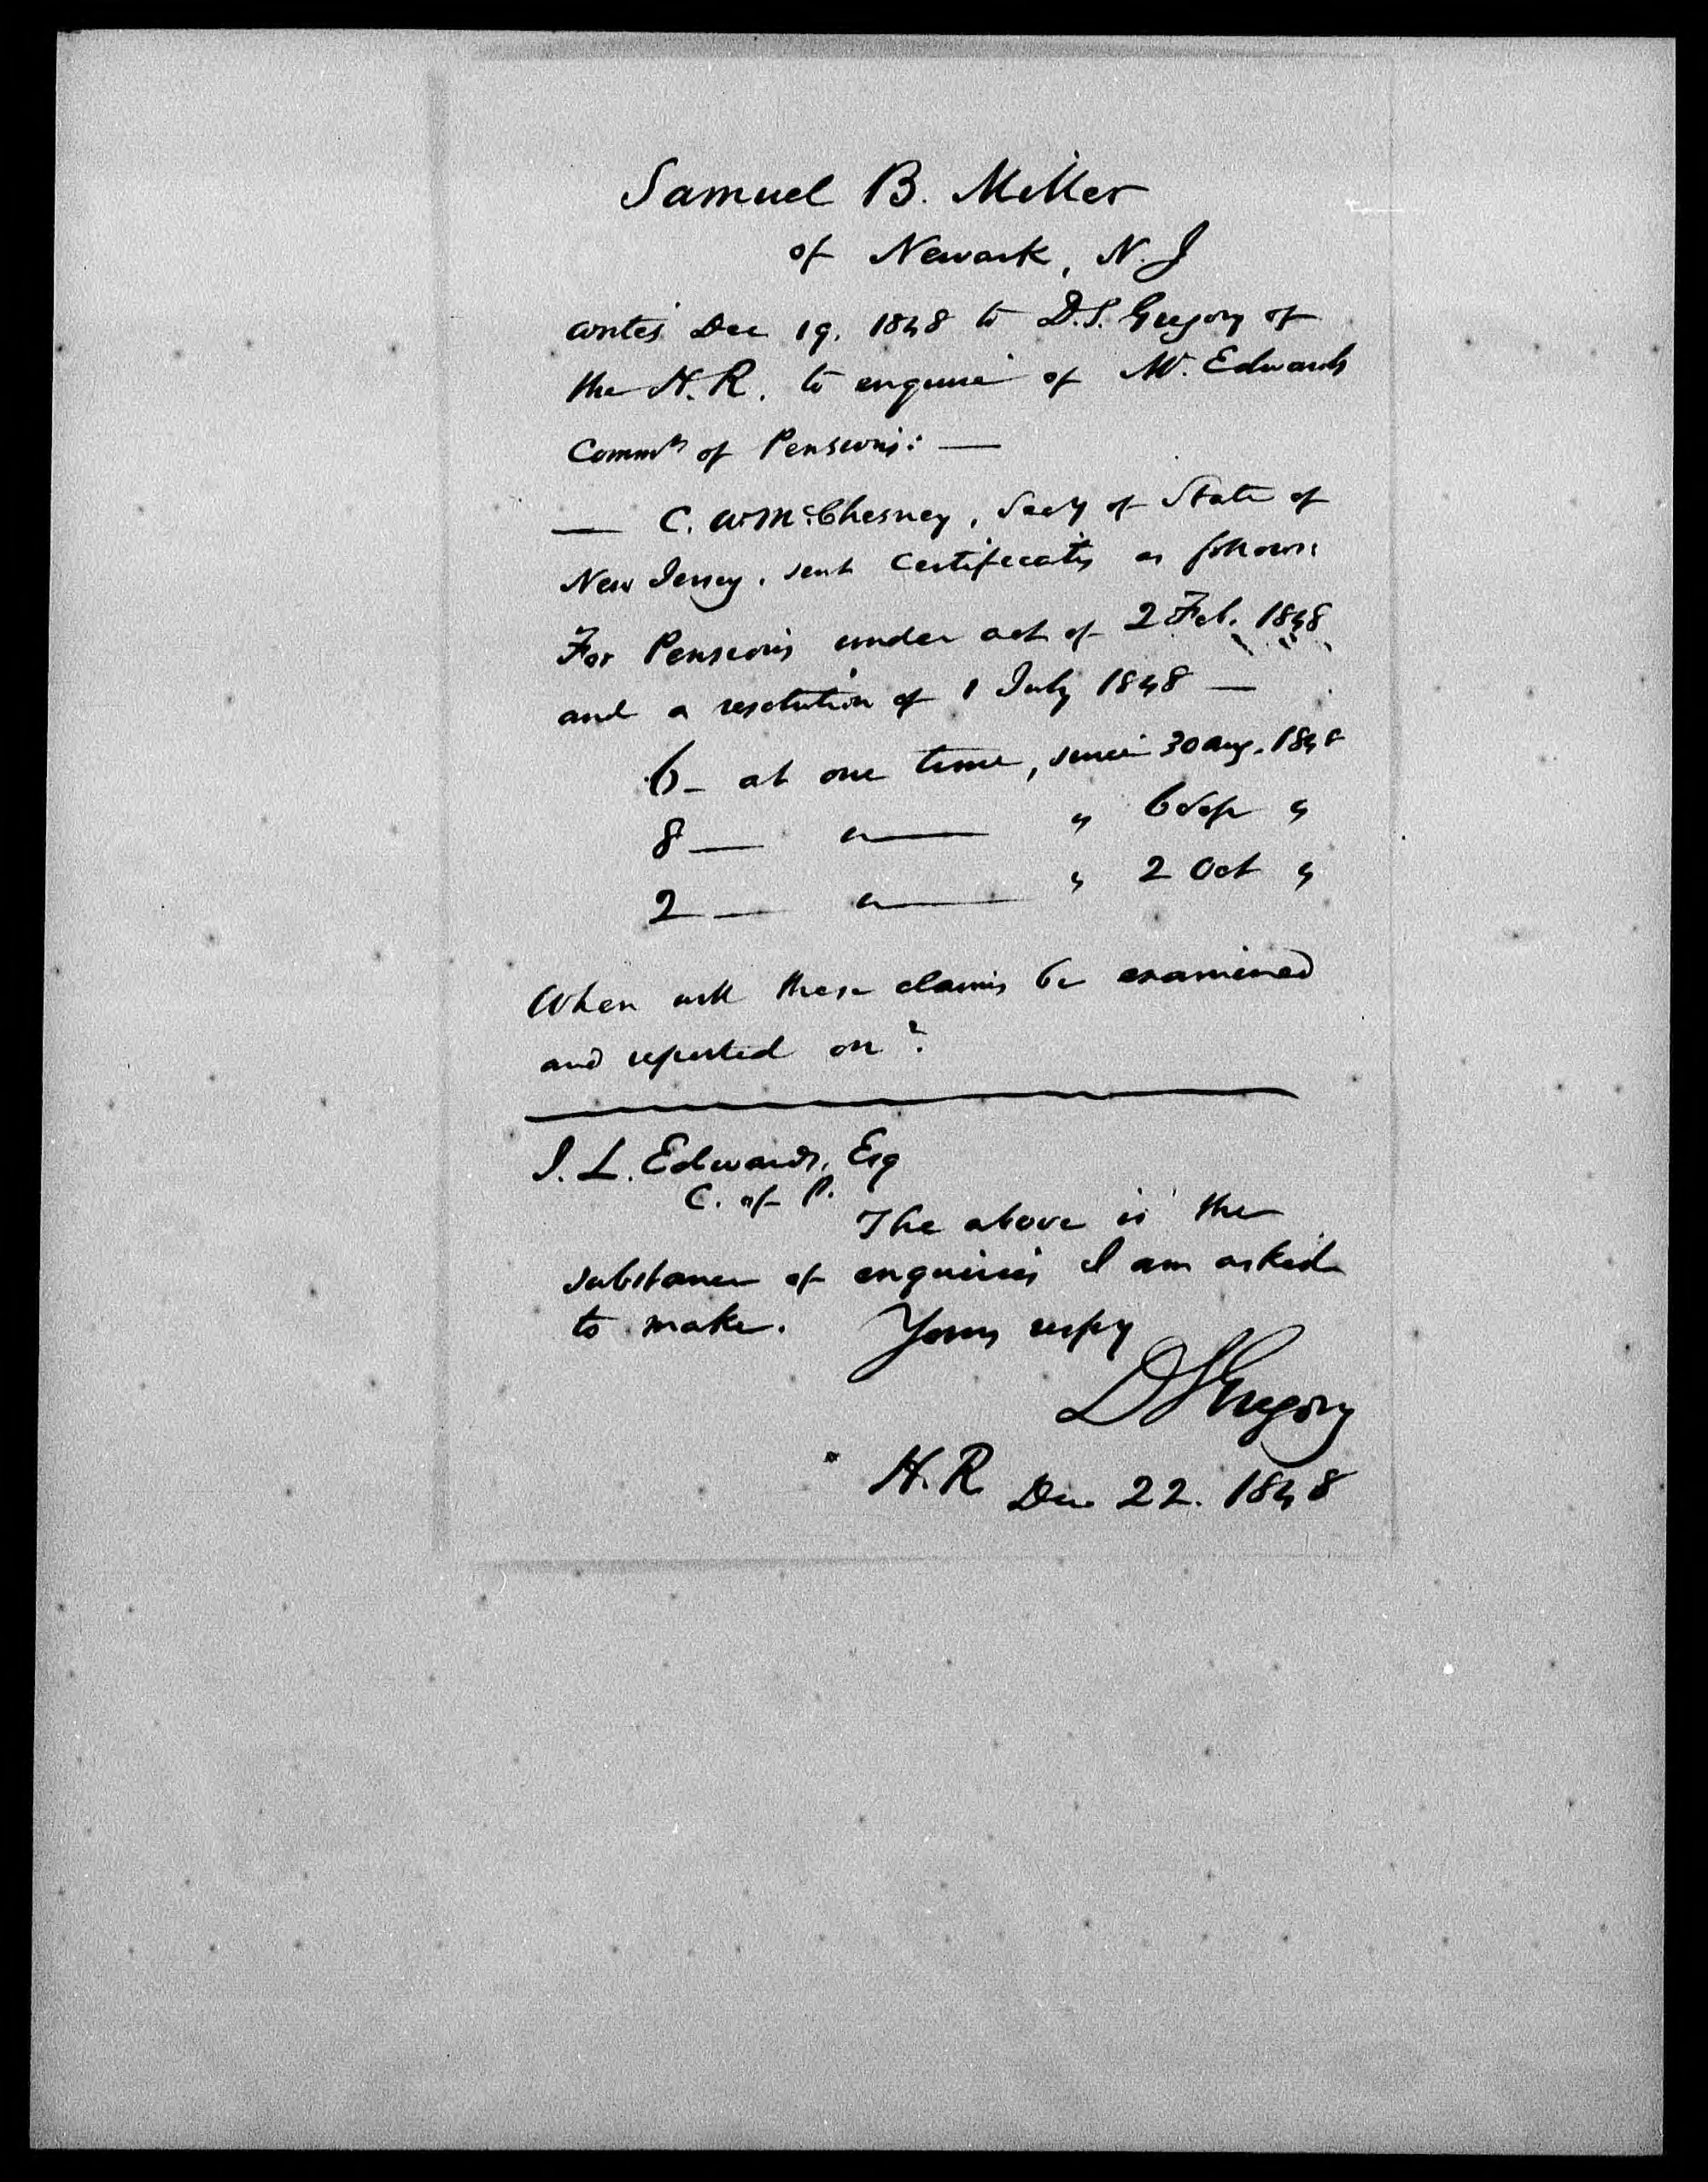Samuel B. Miller
of Newark, N.J
writes Dec 19 1848 to D.S. Gregory of
the H.R. to enquire of Mr. Edwards
Comm of Pensions:-
-
C. W. McChesney Secy of State of
New Jersey sent certificate as follows:
For Pensions under act of Feb. 1848
and a resolution of 1 July 1848
6 - at one time, since 30 Aug, 1848
8- ---- " 6 Sep 9
2 -----" 2 Oct 9
---
When will these claims be examined and reported on?
Esq
J. L. Edwards
C. of P.
The above is the substance of enquiries I am asked to make.
Yours respy
D S Gregory
H. R Dec. 22. 1848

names: D S Gregory; J L Edwards; Wm Chesney; Samuel B Miller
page: 25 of 49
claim: widow's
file: W. 859, for James Lambert, New Jersey